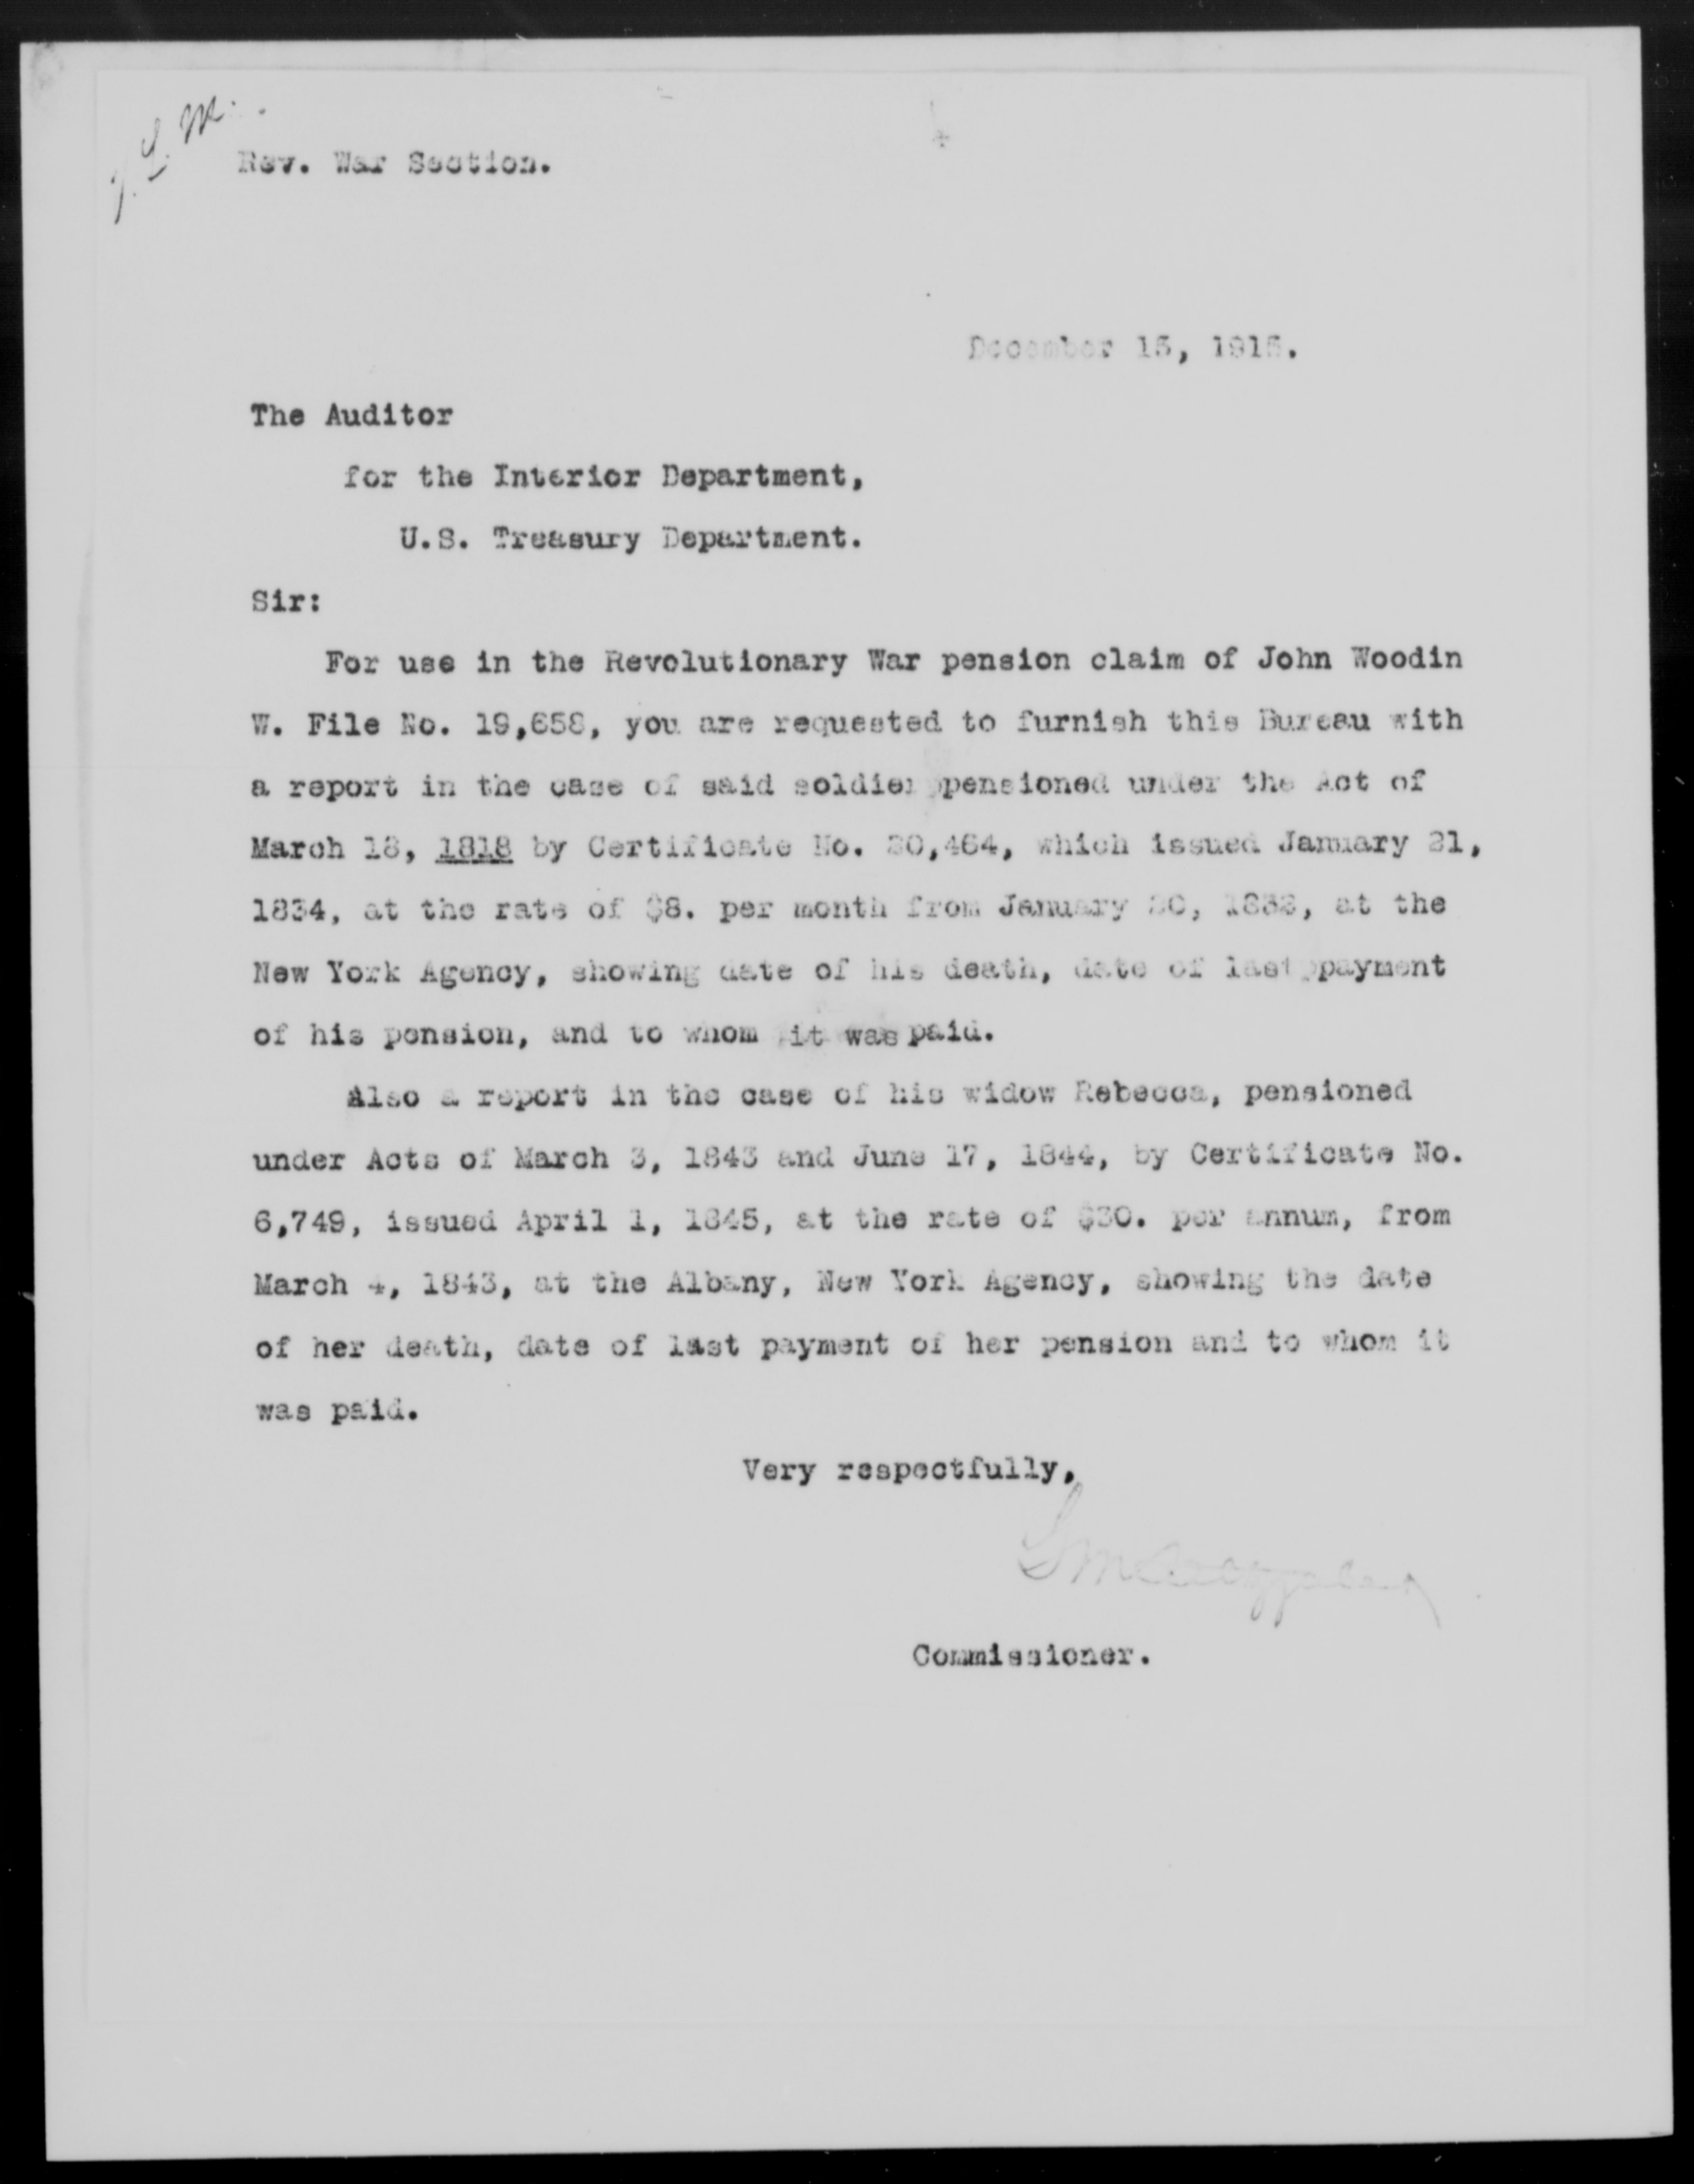Rev. War Section. 
December 15, 1915.
The Auditor
for the Interior Department, 
U. S. Treasury Department.. 
Sir:
For use in the Revolutionary War pension claim of John Woodin W. File No. 19,658, you are requested to furnish this bureau with a report in the case of said soldier pensioned under the act of March 18, 1818 by Certificate No. 20,464, which issued January 21, 1834, at the rate of $8 per month from January 20, 1832, at the New York Agency, showing date of his death, date of last payment of his pension, and to whom it was paid. 
Also a report in the case of his widow Rebecca, pensioned under Acts of March 3, 1843 and June 17, 1846, by Certificate No. 6,749, issued April 1, 1825, at the rate of $30. per annum, from March 4, 1843, at the Albany, New York Agency, showing the late of her death, date of last payment of her pension and to whom it was paid. 
Very respectfully, 
[signature illegible]
Commissioner.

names: John Woodin, Rebecca, G M Saltzgaber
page: 50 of 77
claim: widow's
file: W. 19658, John Woodin, New York